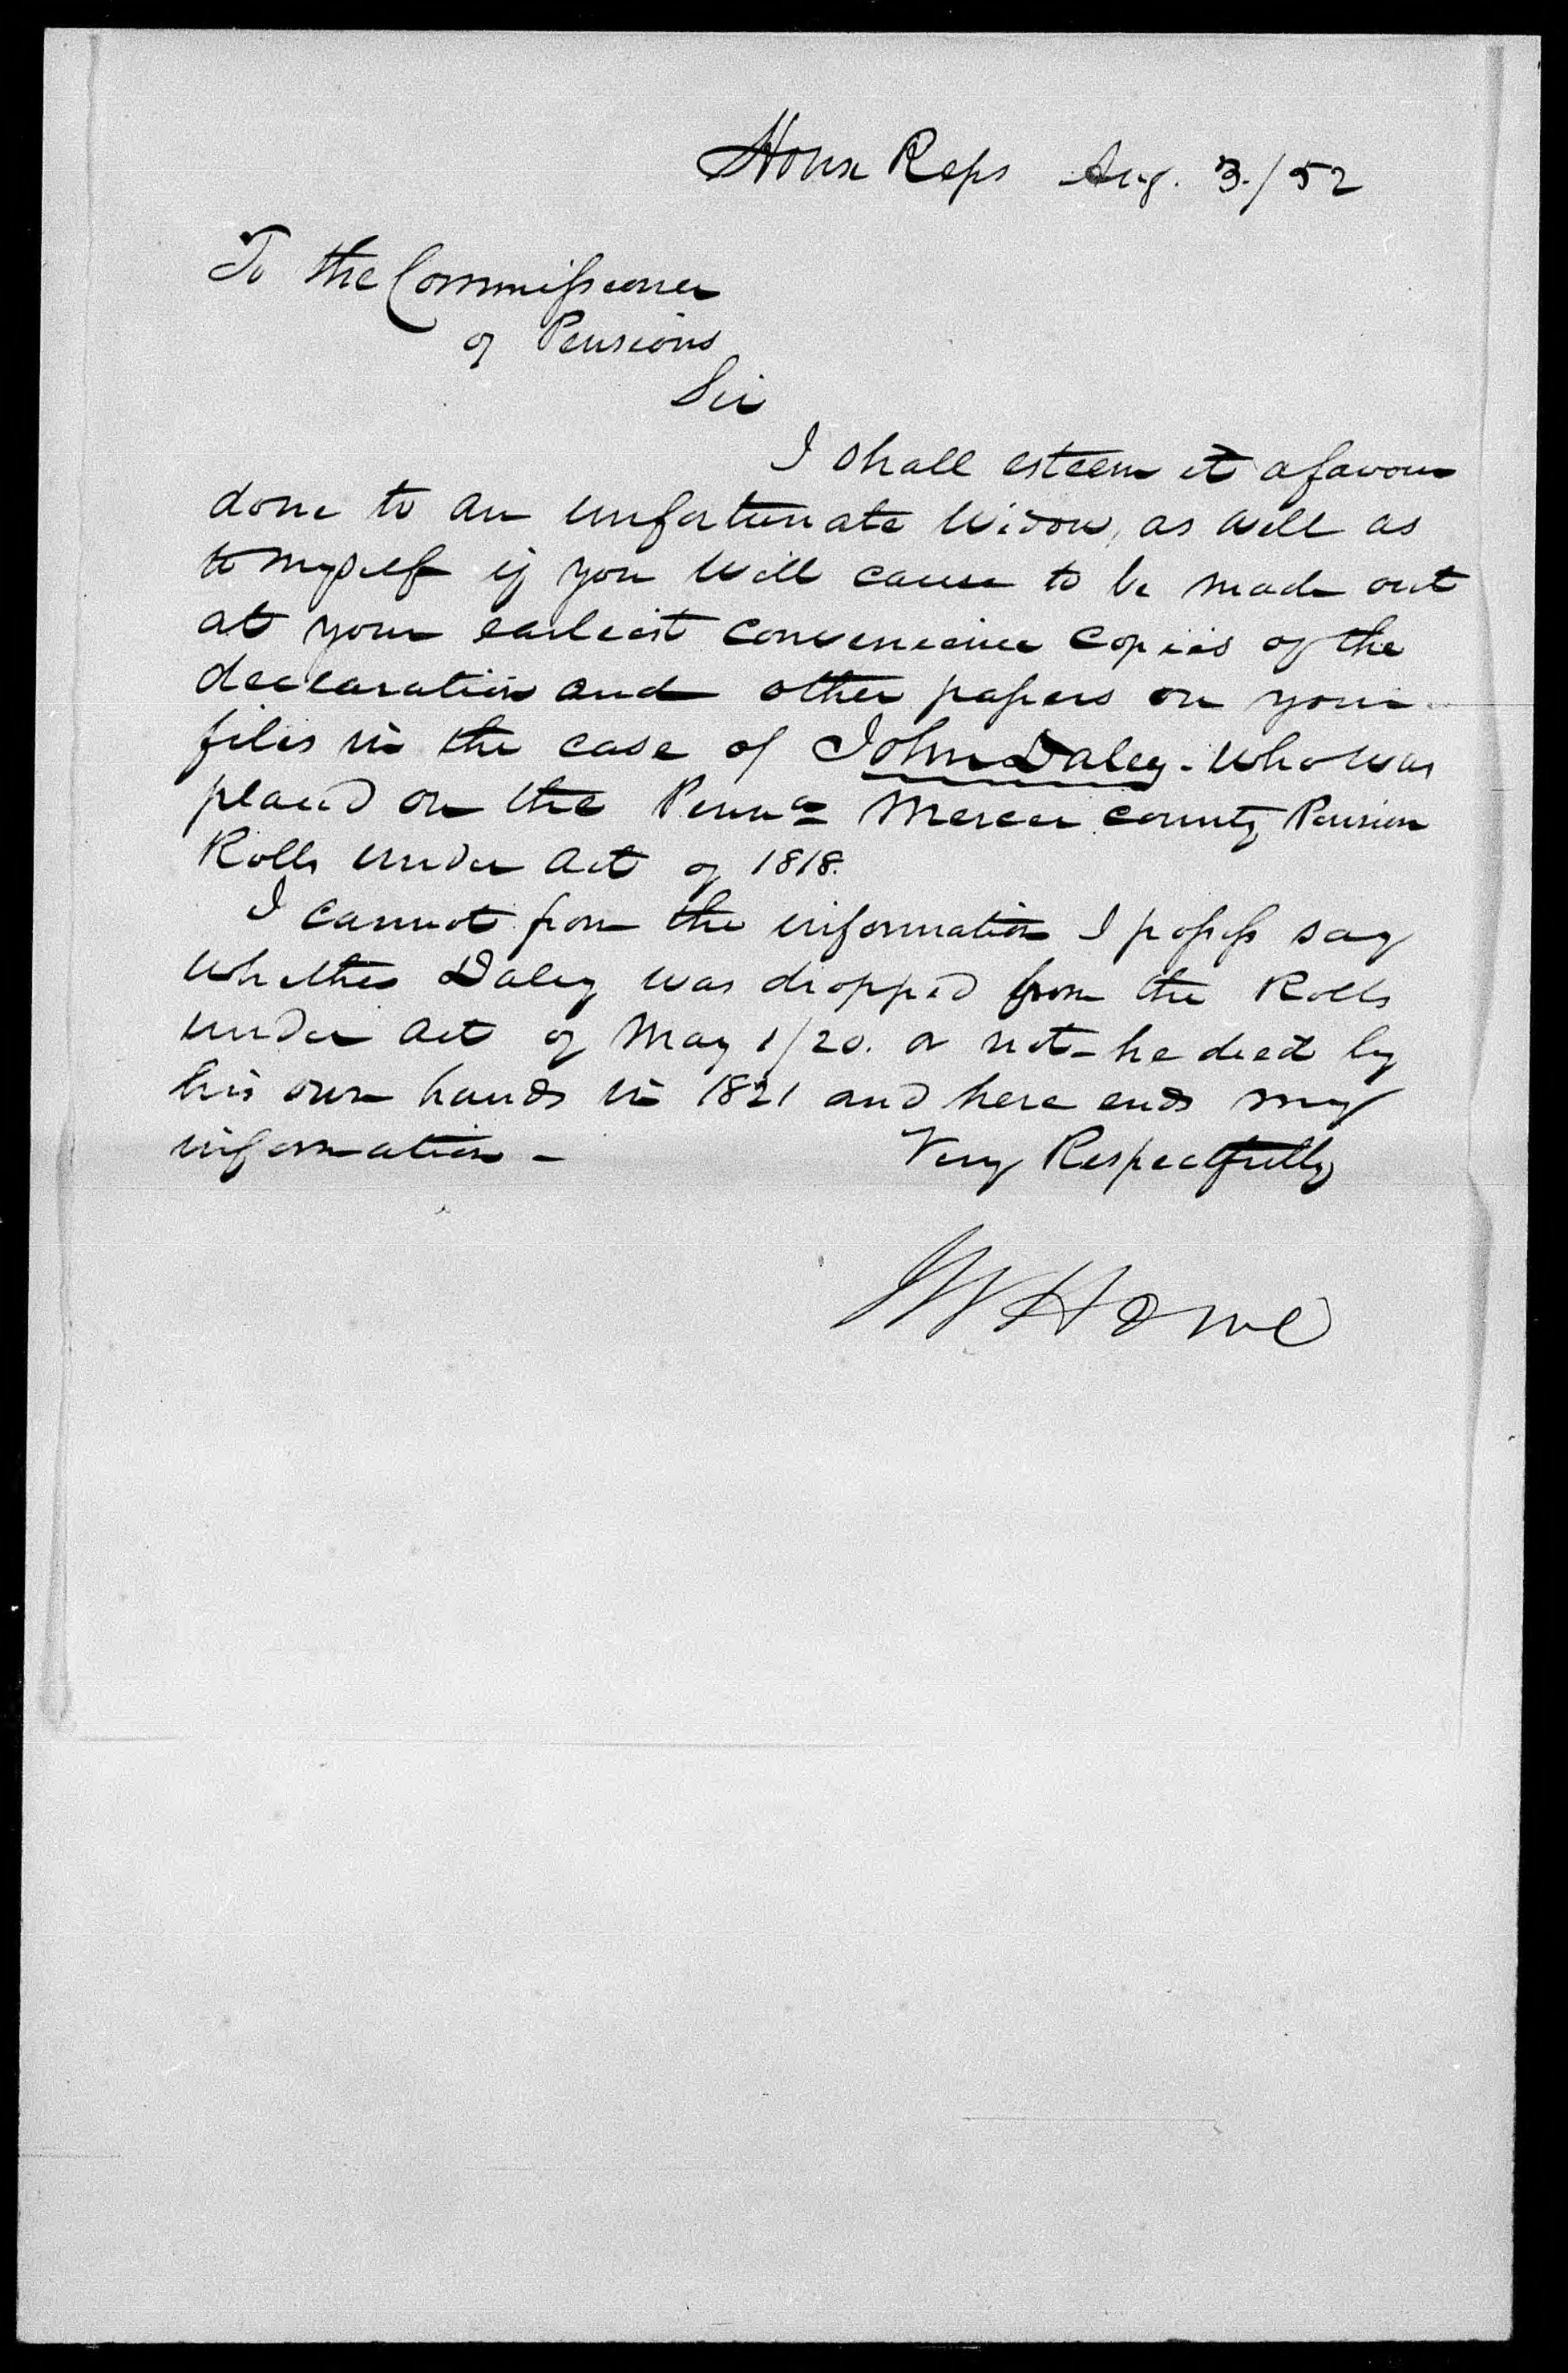House Reps Aug. 3/52

To the Commissioner of Pensions

Sir

I shall esteem it a favour done to an unfortunate Widow, as well as to myself if you will cause to be made out at your earliest convenience copies of the declaration and other papers in your files in the case of John Daley, who was placed on the Penna Mercer County Pension Roll under act of 1818.

I cannot from the information I possess say
whether Daley was dropped from the Rolls
under act of May 1/20. a note he deed by
his own hand in 1821 and here ends my
information--

Very Respectfully
J W Howe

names: Daley, John Daley, J W Howe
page: 34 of 63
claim: widow's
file: W. 3228, John Daly, Penn.